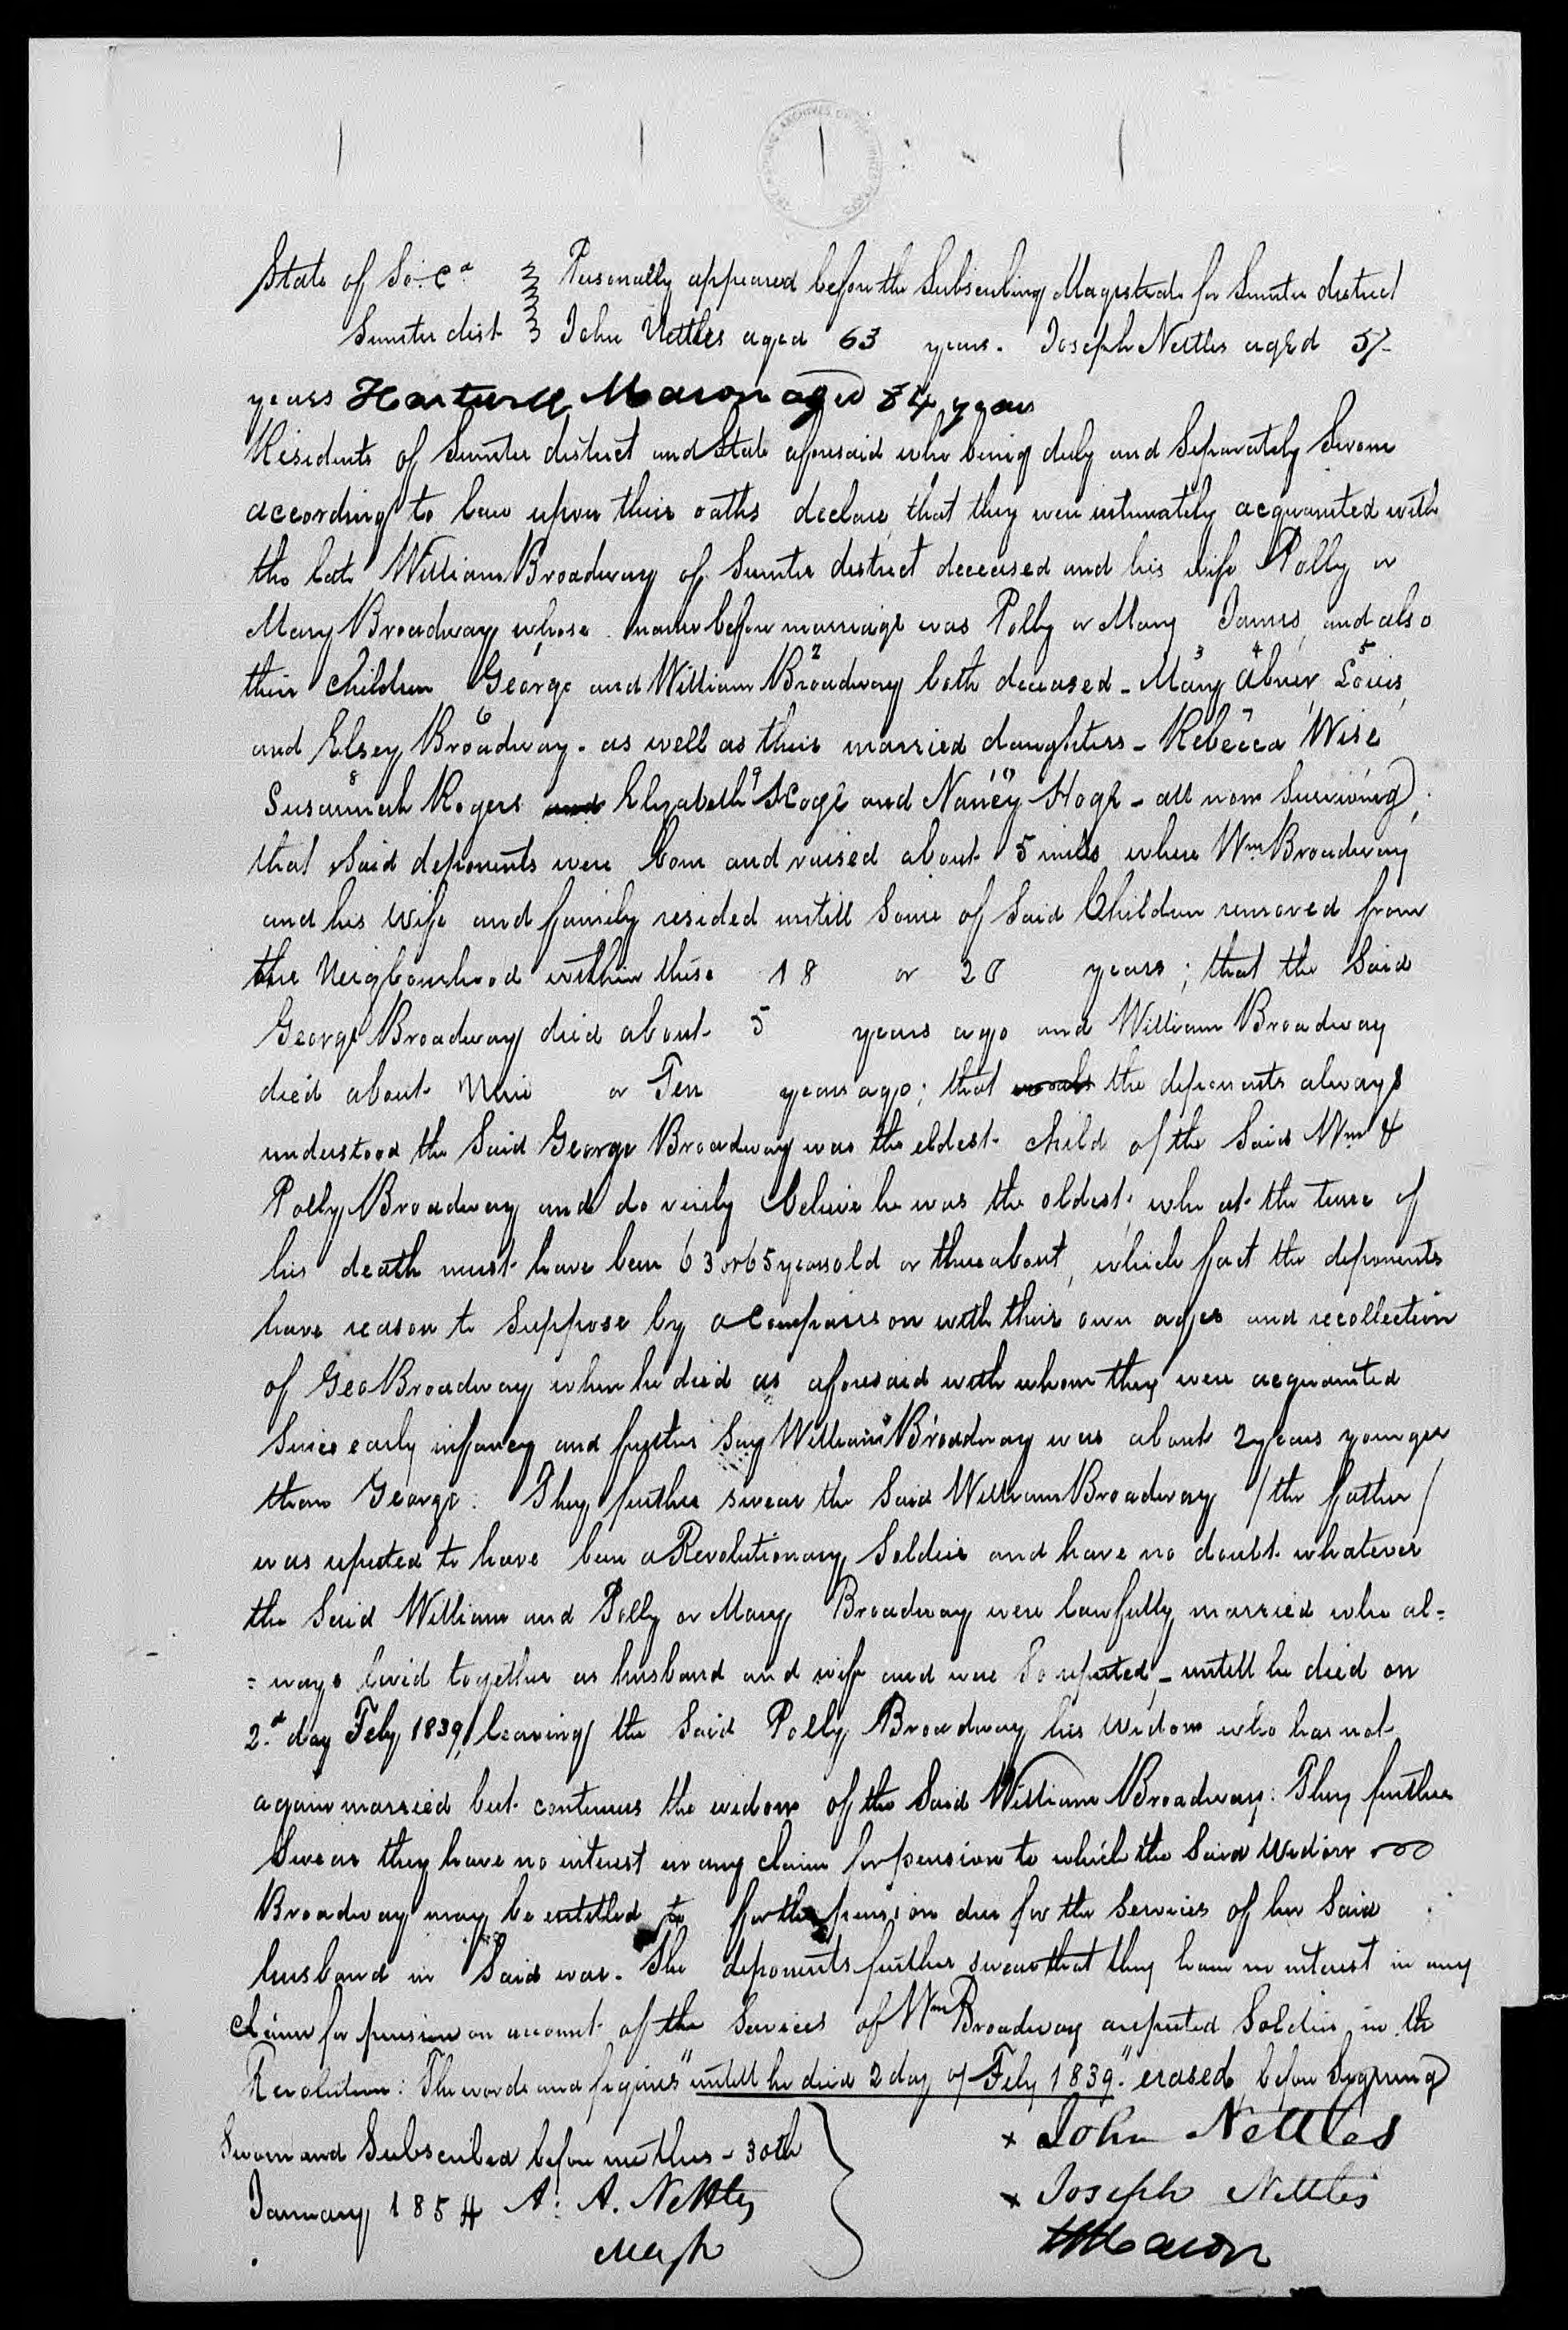State of So. Ca.}
Sumter district} Personally appeared before the Subscribing Magistrate for Sumter district John Nettles aged 63 years. Joseph Nettles aged 57 years, Hartwell Mason aged 84 years Residents of Sumter district and State aforesaid who being duly and Separately Sworn according to law upon their oaths declare that they were intimately acquainted with the late William Broadway of Sumter district deceased and his wife Polly or Mary Broadway whose name before marriage was Polly or Mary James and also their children George (1) and William Broadway (2) both deceased - Mary (3), Abner (4), Louis (5), and Elsey Broadway (6) - as well as their married daughters - Rebecca Wise (7), Susannah Rogers (8), Elizabeth Scoyl (9) and Nancy Hogh (10) - all now Surviving; that Said deponents were born and raised about 5 miles where Wm Broadway and his wife and family resided until Some of Said Children removed from the neighborhood within these 18 or 20 years; that the Said George Broadway died about 5 years ago and William Broadway died about nine or ten years ago; that the deponents always understood the Said George Broadway was the eldest child of the Said Wm + Polly Broadway and do verily believe he was the oldest who at the time of his death must have been 63 or 65 years old or there about, which fact the deponents have reason to Suppose by a comparison with their own ages and recollection of Geo Broadway when he died as aforesaid with whom they were acquainted Since early infancy and further Say William Broadway was about 2 years younger than George: They further swear the Said William Broadway |the father| was reputed to have been a Revolutionary Soldier and have no doubt whatever the Said William and Polly or Mary Broadway were lawfully married who always lived together as husband and wife and were So reputed, - until he died on 2d day Feby 1839, leaving the Said Polly Broadway his widow who has not again married but continues the widow of the Said William Broadway: They further Swear they have no interest in any claim for pension to which the Said widow Broadway may be entitled to for the pension due for the Services of her Said husband in Said war. The deponents further Swear that they have no interest in any claim for pension on account of the Services of Wm Broadway a reputed Soldier in the Revolution: They words and figures "until he died 2 day of Feby 1839" erased before Signing
John Nettles
Joseph Nettles
H Mason
Sworn and Subscribed before me this 30th January 1854 A A Nettles
Magst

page: 10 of 98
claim: widow's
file: W. 8398, William Broadway, S.C.